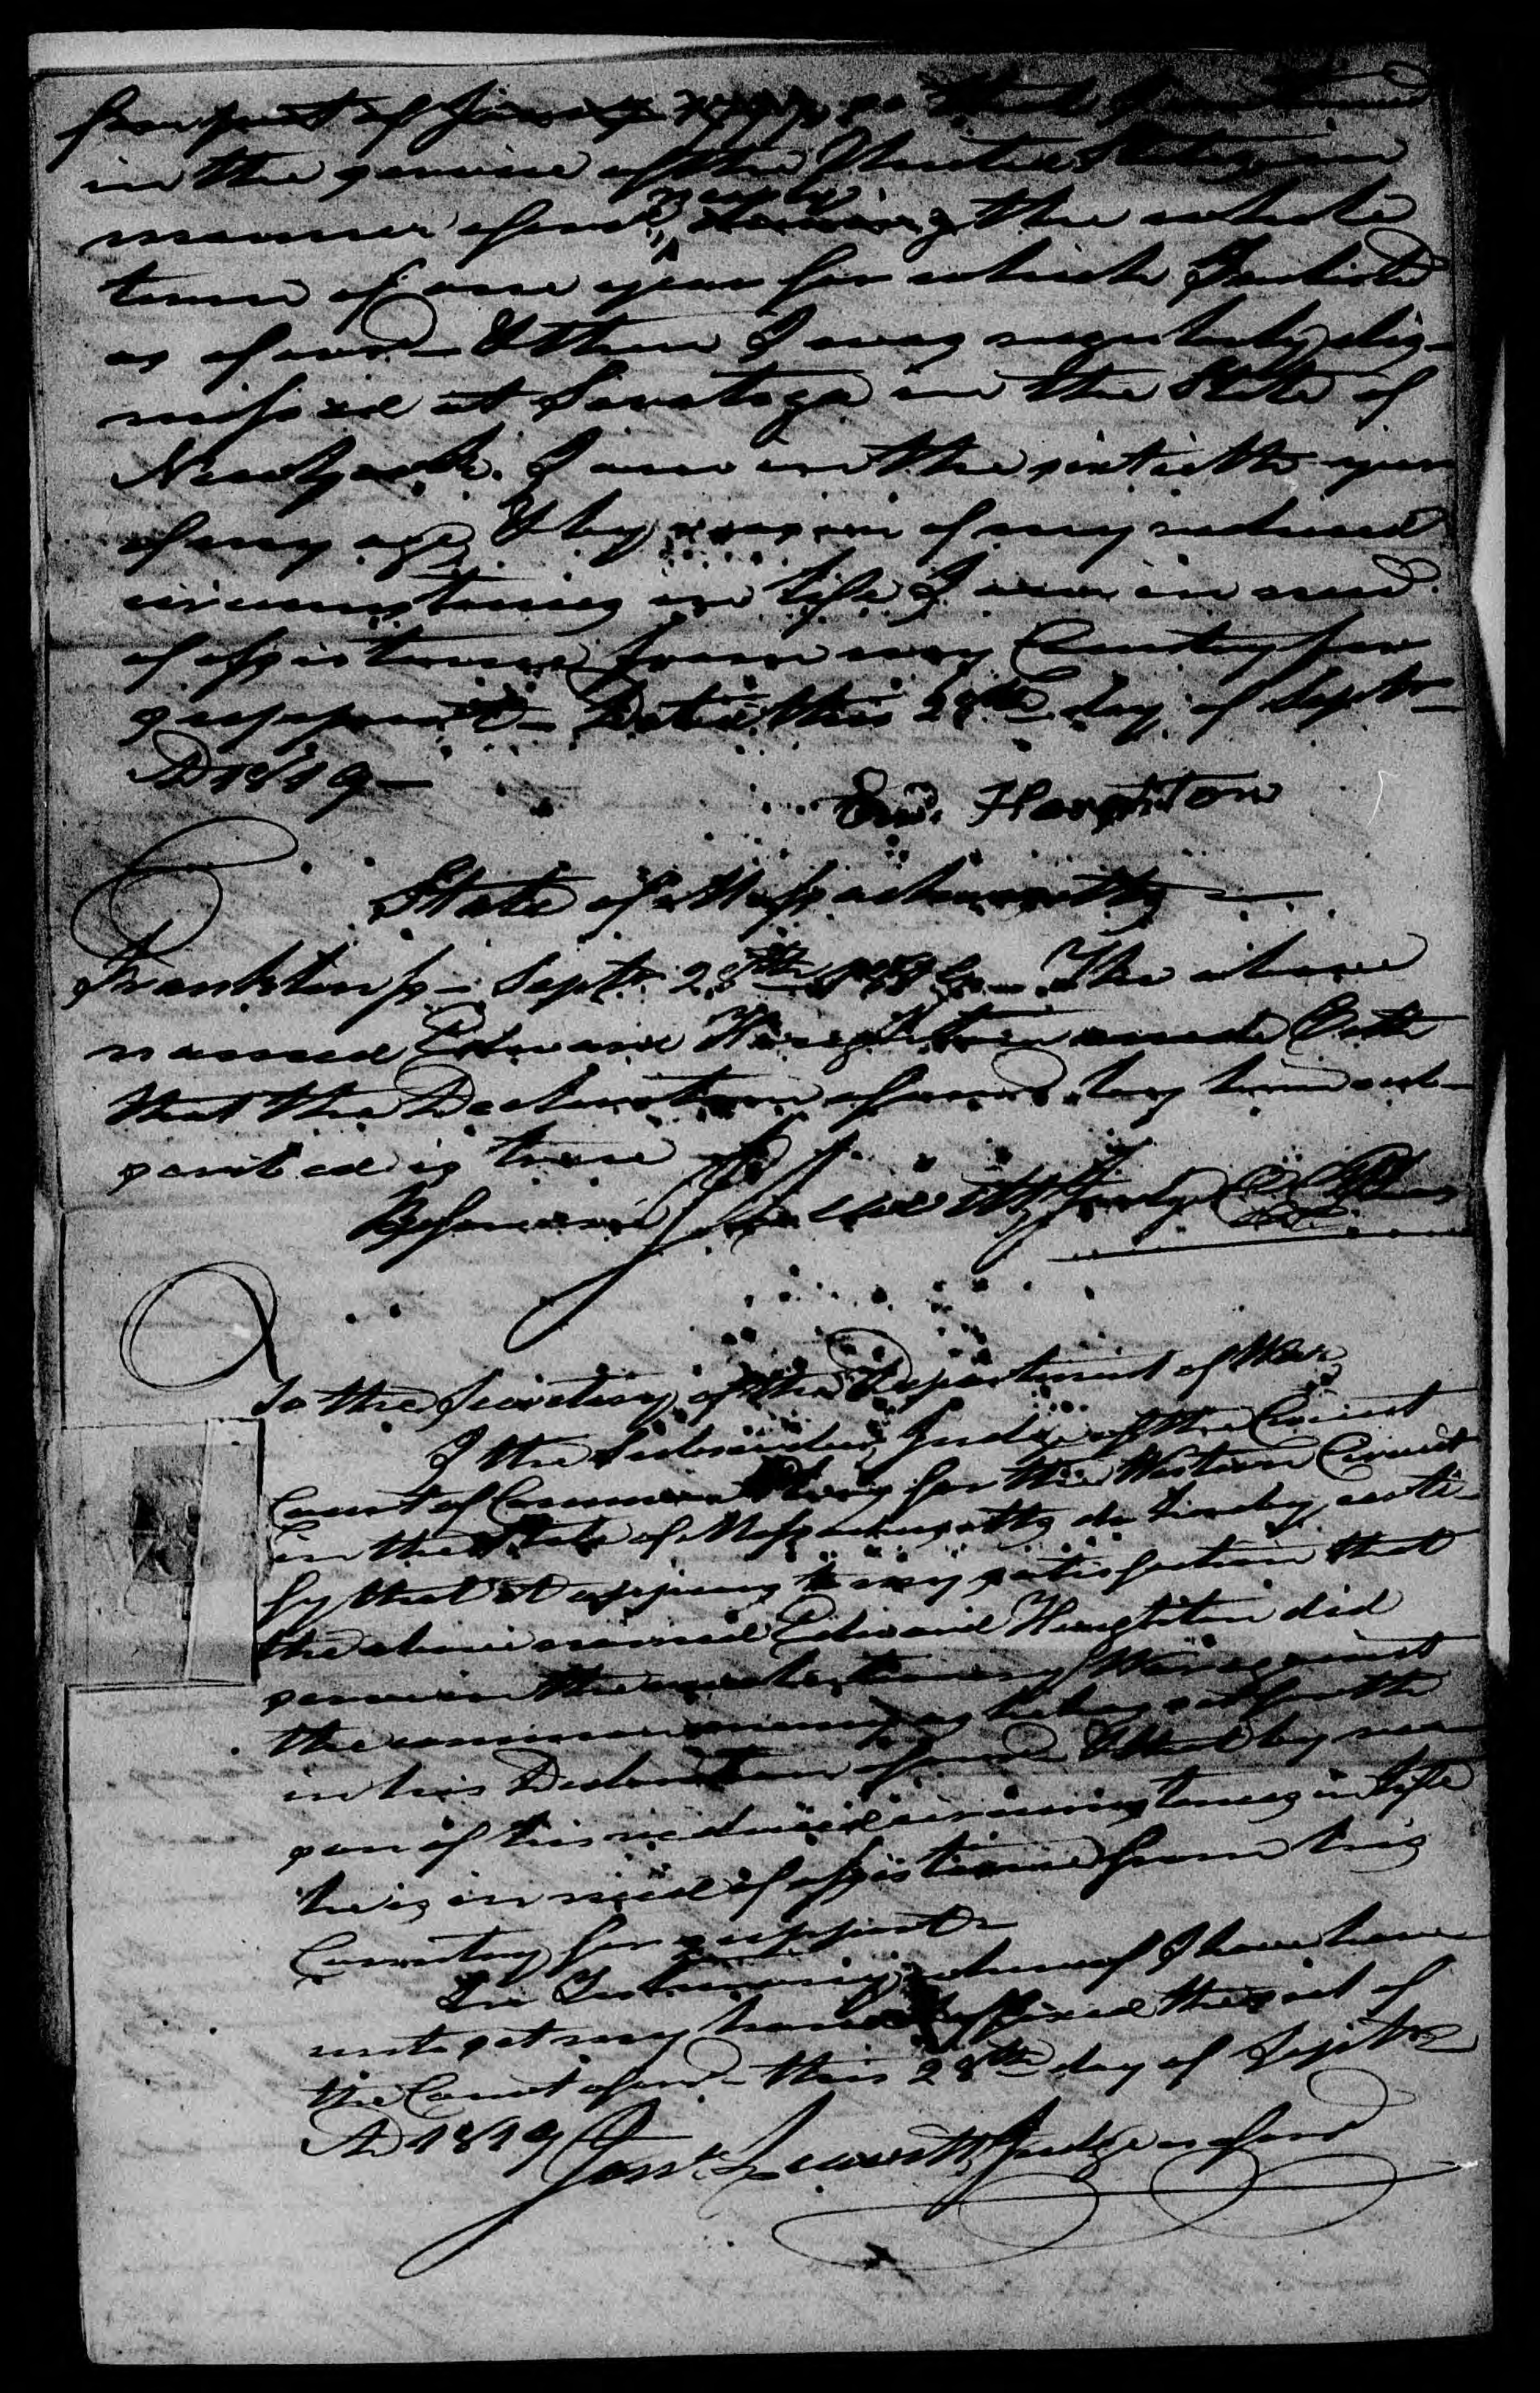from part of Jona Leavett for the time served in the garrison of the United States mission aforesaid [insert] May '73?[?] [/insert]  Saratoga the whole tour of four[?] years for which Enlisted as ?? Nathan Young says hereby aligns[?] >?? issued at Saratoga in the State of New York. I was at the point as the years [?] age.  Why was our not w/ssy rendered? [illegible] as Life of soldier[?] is second [?] of age is known from every County from & appointed  --Dated this 29th day of September AD 1819

[signature]Edward Houghton

State of Massachusetts, County of Franklin Ss - Sept 28th AD1819 - The above [?] Edward Houghton around  Both that the Declaration aforesaid by him and painting [illegible]

Before me [signature] Jona Leavett  Judge[?] [illegible]


To the Secretary of the Department of War 
 I the Subscribed Judge of the Circuit Court of Commission [?] for the Western Circuit in the State of Massachusetts do hereby witness that ? assigning to any satisfaction that the above named Edward Houghton did pension the revolutionary war against the remaining prisoners[?] as [illegible] under oath the in his Declaration found that by was year of this including tours in life[?] being assigned officer[?] trained from [?] [Cemetery?] for justification [?]

In [?] Testimony whereof I have been [interposing?] have by office either and of this Court and this 28th day of September AD 1819

[signature] Jona Leavett, Judge [?]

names: Jona Leavett, Edward Houghton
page: 5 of 10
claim: survivor's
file: S. 32,841, Edward Houghton, N.H.